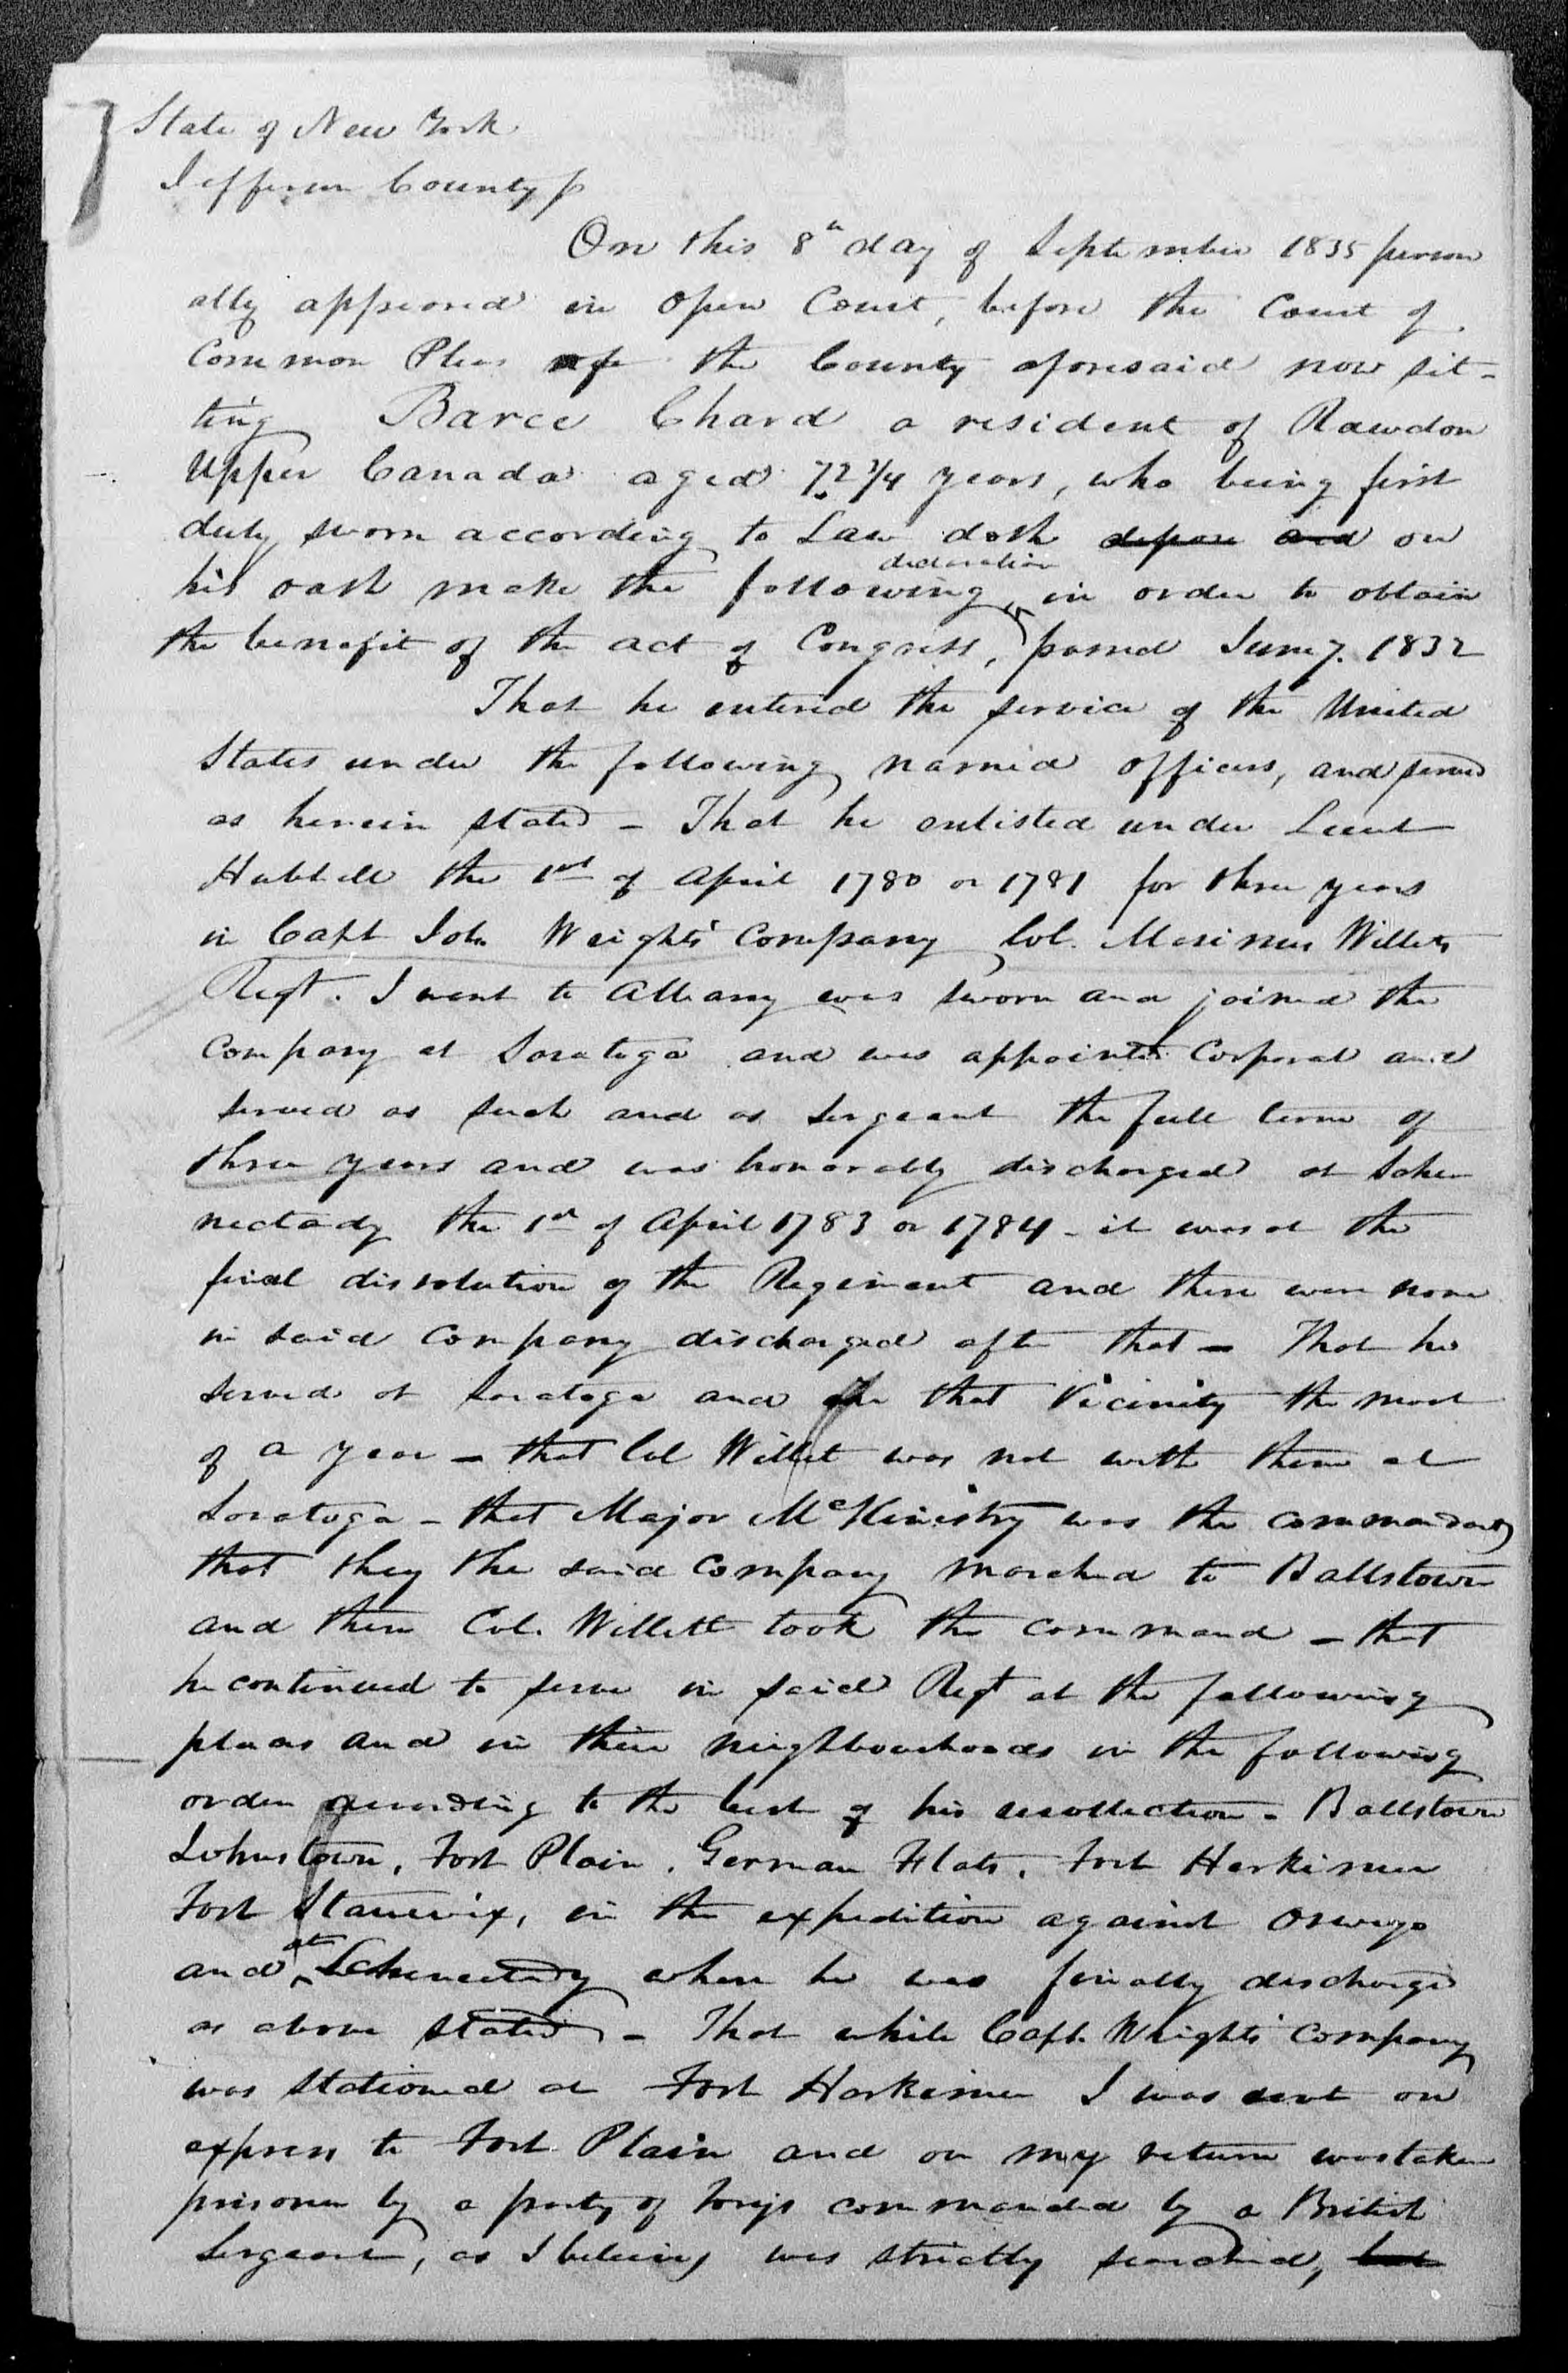State of New York 
Jefferson County ss. 
On this 8th day of September 1835 personally appeared in Open Court, before the Court of Common Pleas of the County aforesaid now sitting Barce Chard a resident of Rawdon Upper Canada aged 72 3/4 years, who being first duly sworn according to Law doth on his oath make the following declaration in order to obtain the benefit of the act of Congress, passed June 7, 1832 
That he entered the service of the United States under the following named officers, and served as herein stated - That he enlisted under Lieut Hubbell the 1st of April 1780 or 1781 for three years in Capt Job Wright's Company Col. Marinus Willetts Regt. I went to Albany was sworn and joined the Company at Saratoga and was appointed Corporal and served as such and as Sergeant the full term of three years and was honorably discharged at Schenectady the 1st of April 1783 or 1784, it was at the final dissolution of the Regiment and there were none in said Company discharged after that. That he served of Saratoga and in that vicinity the most of a year - that Col Willet was not with them at Saratoga - that Major McKinistry was the commander, that they the said Company marched to Ballstown [Ballston] and then Col. Willett took the command - that he continued to serve in said Regt at the following places and in their neighborhoods in the following order according to the best of his recollection Ballstown, Johnstown, Fort Plain, German Flats, Fort Herkimer, Fort Stanwix, in the expedition against Oswego and at Schenectady when he was finally discharged as above stated. That while Capt Wrights Company was stationed at Fort Herkimer I was sent on express to Fort Plain and on my return was taken prisoner by a party of Torys commanded by a British Sergeant, as I believe, was strictly searched,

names: Willett, Willet, Mc Kinistry, Barce Chard, Lewis Hubbell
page: 6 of 47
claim: widow's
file: W. 10,602, Barce Chard, New York.